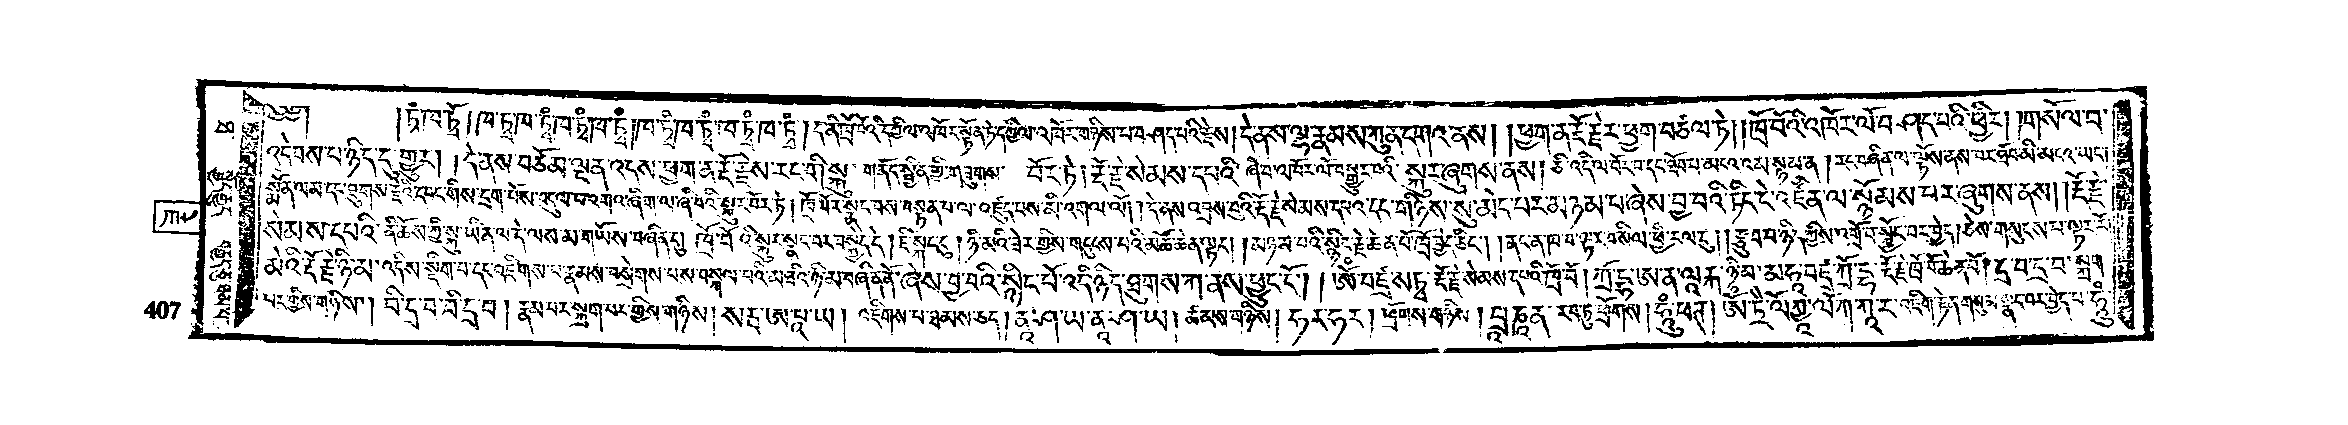༄༅། །ཏྭཾ་ཁ་ཏྭཾ། ཁ་ཏྭཾ་ཁ་ཏྭཾ་ཁ་ཏྭཾ་ཁ་ཏྭཾ། ཁ་ཏྭཾ་ཁ་ཏྭཾ་ཁ་ཏྭཾ་ཁ་ཏྭཾ། ད་ནི་ཁྲོ་བོའི་དཀྱིལ་འཁོར་སྟོན་ཏེ་དཀྱིལ་འཁོར་གཉིས་པ་བཤད་པའི་རྗེས།  དེ་ནས་ལྷ་རྣམས་ཀུན་དགའ་ནས། །ཕྱག་ན་རྡོ་རྗེར་ཕྱག་བཙལ་ཏེ། །ཁྲོ་བོའི་འཁོར་ལོ་བཤད་པའི་ཕྱིར། །གསོལ་བ་
འདེབས་པ་ཉིད་དུ་གྱུར། །དེ་ནས་བཅོམ་ལྡན་འདས་ཕྱག་ན་རྡོ་རྗེས་རང་གི་སྐུ་གནོད་སྦྱིན་གྱི་གཟུགས་བོར་ཏེ། རྡོ་རྗེ་སེམས་དཔའི་ཞི་བ་འཁོར་ལོ་བསྒྱུར་བའི་སྐུར་ཞུགས་ནས། ཅི་འདི་ལ་བོར་བ་དང་ཐོབ་པ་མངའ་འམ་སྙམ་ན། རང་བཞིན་ལ་ལྟོས་ནས་བར་ཐོབ་མི་མངའ་ཡང་།
སྨོན་ལམ་དང་ཐུགས་རྗེའི་དབང་གིས་དྲག་པོས་འདུལ་བ་འགའ་ཞིག་ལ་ཞི་བའི་སྐུར་བོར་ཏེ། ཁྲོ་བོར་སྣང་བས་བསྟན་པ་ལ་འཛུད་པས་མི་འགལ་ལོ། །དེ་ནས་འབྲས་བུའི་རྡོ་རྗེ་སེམས་དཔའ་དང་གཉིས་སུ་མེད་པར་མཉམ་པ་ཞེས་བྱ་བའི་ཏིང་ངེ་འཛིན་ལ་སྙོམས་པར་ཞུགས་ནས། རྡོ་རྗེ་
སེམས་དཔའི་ནི་ཆོས་ཀྱི་སྐུ་ཡིན་ལ་དེ་ལས་མ་གཡོས་བཞིན་དུ།  ཁྲོ་བོའི་སྐུར་སྣང་བར་བསྐྱེད་དེ། ཇི་སྐད་དུ། ཉི་མའི་ཟེར་གྱིས་གདུངས་པའི་མཚོ་ཆེན་ལྟར། །མཉམ་པའི་སྙིང་རྗེ་ཆེན་པོ་ཁྲོ་བྱེད་ཅིང་། །ནང་ན་ཁ་བ་ལྟར་བསིལ་ཕྱི་རལ་དུ། །རྩུབ་པ་ཉིད་ཀྱིས་འགྲོ་བ་སྐྱོང་བར་བྱེད། ཅེས་གསུངས་པ་ལྟར་རོ།
མེའི་རྡོ་རྗེ་ཉི་མ་འདིས་སྡིག་པ་དང་འཇིགས་པ་རྣམས་བསྲེགས་པས་བསྐལ་བའི་མཐའི་ཉི་མ་བཞིན་ནོ་ཞེས་བྱ་བའི་སྙིང་པོ་འདི་ཉིད་ཐུགས་ཀ་ནས་ཕྱུང་ངོ། །ཨོཾ་བཛྲ་སཏྭ་རྡོ་རྗེ་སེམས་དཔའི་ཁྲོ་བོ།  ཀྲོ་དྷ་ཨ་ན་ལཱརྐ་ཉི་མ་མཧཱ་བཛྲ་ཀྲོ་དྷ་རྡོ་རྗེ་ཁྲོ་བོ་ཆེན་པོ།  དྲ་བ་དྲ་བ་སྐྲག་
པར་གྱིས་གཉིས། བི་དྲ་བ་བི་དྲ་བ། རྣམ་པར་སྐྲག་པར་གྱིས་གཉིས།  སརྦ་ཨ་པཱ་ཡ། འཇིགས་པ་ཐམས་ཅད།  ནཱ་ཤ་ཡ་ནཱ་ཤ་ཡ། ཆོམས་གཉིས་ཧ་ར་ཧ་ར། ཕྲོགས་གཉིས།  པྲཱ་ཎཱན་རབ་ཏུ་ཕྲོགས།  ཧཱུཾ་ཕཊ། ཨོཾ་ཏྲཻ་ལོཀྱཱ་ལོ་ཀ་ཀཱ་ར་འཇིག་རྟེན་གསུམ་སྣང་བར་བྱེད་པ་ཧཱུཾ་